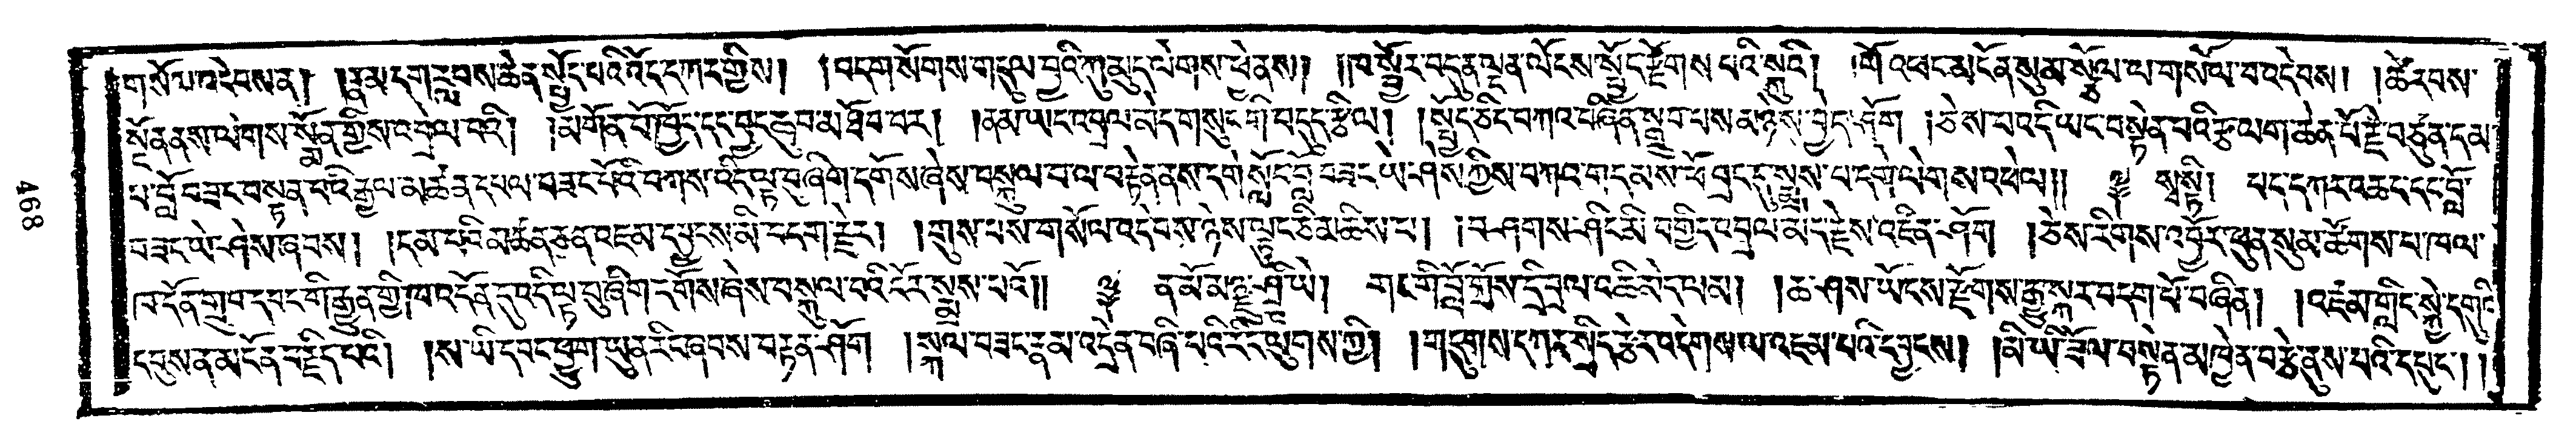གསོལ་འདེབས་ན། །རྣམ་དག་རླབས་ཆེན་སྤྱོད་པའི་འོད་དཀར་གྱིས། །བདག་སོགས་གདུལ་བྱའི་ཀུ་མུད་ལེགས་ཕྱེ་ནས། །ཁ་སྦྱོར་བདུན་ལྡན་ལོངས་སྤྱོང་རྫོགས་པའི་སྐུའི། །གོ་འཕང་མངོན་སུམ་སྩོལ་ལ་གསོལ་བ་འདེབས། །ཚེ་རབས་
སྔོན་ནས་ལེགས་སྨོན་གྱིས་འབྲེལ་བའི། །མགོན་པོ་ཁྱོད་དང་བྱང་ཆུབ་མ་ཐོབ་བར། །ནམ་ཡང་འབྲལ་མེད་གསུང་གི་བདུད་རྩིལ། །སྤྱོད་ཅིང་བཀའ་བཞིན་སྒྲུབ་བས་མཉེས་བྱེད་ཤོག །ཅེས་པ་འདི་ཡང་བསྟེན་པའི་རྩ་ལག་ཆེན་པོ་རྗེ་བཙུན་དམ་
པ་བློ་བཟང་བསྟན་པའི་རྒྱལ་མཚན་དཔལ་བཟང་པོའི་བཀས་འདི་ལྟ་བུ་ཞིག་དགོས་ཞེས་བསྐུལ་བ་ལ་བརྟེན་ནས་དགེ་སློང་བློ་བཟང་ཡེ་ཤེས་ཀྱིས་བཀའ་གདམས་ཕོ་བྲང་དུ་སྨྲས་པ་དགེ་ལེགས་འཕེལ།། ༈སྭྶྟི། པད་དཀར་འཆང་དང་བློ་
བཟང་ཡེ་ཤེས་ཞབས། །དམ་པའི་མཚན་ཅན་འཇམ་དབྱངས་མི་བདག་རྗེར། །གུས་པས་གསོལ་འདེབས་ཉེས་ལྟུང་ཅི་མཆིས་པ། །བཤགས་ཤིང་མི་བགྱིད་འབྲལ་མེད་རྗེས་འཛིན་ཤོག །ཅེས་རིགས་འབྱོར་ཕུན་སུམ་ཚོགས་པ་ཁལ་
ཁ་དོན་གྲུབ་དབང་གི་རྒྱུན་གྱི་ཁ་འདོན་དུ་འདི་ལྟ་བུ་ཞིག་དགོས་ཞེས་བསྐུལ་བའི་ངོར་སྨྲས་པའོ།། ༈ ན་མོ་མཉྫུ་ཤཱི་ཡེ། གང་གི་བློ་གྲོས་དྲི་བྲལ་འཆི་མེད་ལམ། །ཆ་ཤས་ཡོངས་རྫོགས་རྒྱུ་སྐར་བདག་པོ་བཞིན། །འཛམ་གླིང་སྐྱེ་དགུའི་
དབུས་ན་མངོན་བརྗིད་པའི། །ས་ཡི་དབང་ཕྱུག་ཡུན་རིང་ཞབས་བརྟན་ཤོག །སྐལ་བཟང་རྣམ་འདྲེན་བཞི་པའི་རིང་ལུགས་ཀྱི། །གདུགས་དཀར་སྲིད་རྩེར་འདེགས་ལ་འཇམ་པའི་དབྱངས། །མི་ཡི་ཟོལ་བསྟེན་མཁྱེན་བརྩེ་ནུས་པའི་དཔུང་། །